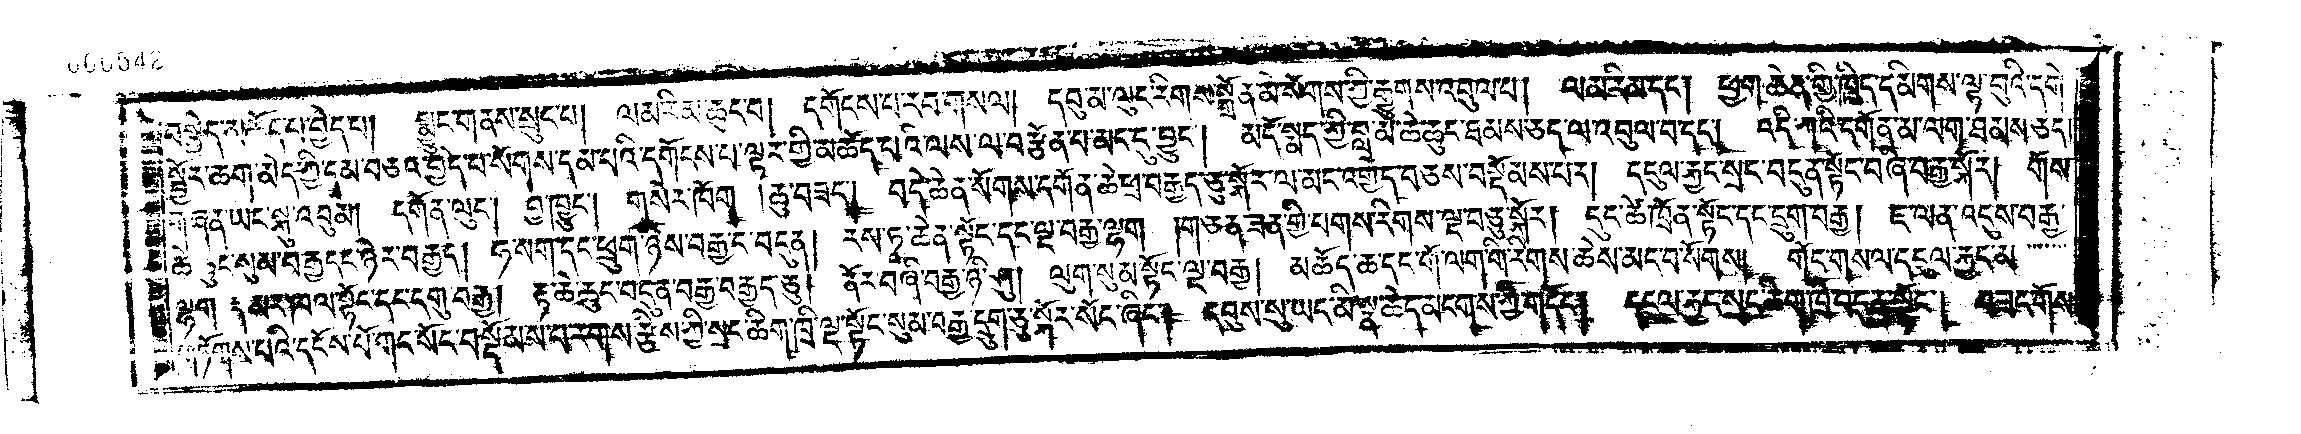བསྐྱེད་མཆོད་པ་བྱེད་པ། སྨྱུང་གནས་སྲུང་པ། ལམ་རིམ་ཆུང་བ། དགོངས་པ་རབ་གསལ། དབུ་མ་ལུང་རིགས་སྒྲོན་མེ་སོགས་ཀྱི་རྒྱུགས་འབུལ་པ། ལམ་རིམ་དང་། ཕྱག་ཆེན་གྱི་ཁྲིད་དམིགས་ལྟ་བུའི་དགེ་
སྦྱོར་ཆག་མེད་ཀྱི་དམ་བཅའ་བྱེད་པ་སོགས་དམ་པའི་དགོངས་པ་ལྟར་གྱི་མཆོད་པའི་ལས་ལ་བརྩོན་པ་མང་དུ་བྱུང་། མདོ་སྨད་ཀྱི་བླ་མ་ཆེ་ཆུང་ཐམས་ཅད་ལ་འབུལ་བ་དང་། འདི་ཀའི་དགོན་མ་ལག་ཐམས་ཅད།
གཞན་ཡང་སྐུ་འབུམ། དགོན་ལུང་། བྱ་ཁྱུང་། གསེར་ཁོག །ཆུ་བཟང་། བདེ་ཆེན་སོགས་དགོན་ཆེ་ཕྲ་བརྒྱད་ཅུ་སྐོར་ལ་མང་འགྱེད་བཅས་བསྡོམས་པར། དངུལ་རྐྱང་སྲང་བདུན་སྟོང་བཞི་བརྒྱ་སྐོར། གོས་
ཆེ་ཆུང་སུམ་བརྒྱ་དང་ཉེར་བརྒྱད། ཧ་སག་དང་ཕྲུག་ཉིས་བརྒྱ་ང་བདུན། རས་ཏཱ་ཆེན་སྟོང་དང་ལྔ་བརྒྱ་ལྷག །གཅན་ཟན་གྱི་པགས་རིགས་ལྔ་བཅུ་སྐོར། དུང་ཚེ་ཁྲོན་སྟོང་དང་དྲུག་བརྒྱ། ཇ་ལན་འདུས་བརྒྱ་
ལྷག ༑མར་ཁལ་སྟོང་དང་དགུ་བརྒྱ། རྟ་ཆེ་ཆུང་བདུན་བརྒྱ་བརྒྱད་ཅུ། ནོར་བཞི་བརྒྱ་ཉི་ཤུ། ལུག་སུམ་སྟོང་ལྔ་བརྒྱ། མཆོད་ཆ་དང་གོ་ལག་གི་རིགས་ཆེས་མང་བ་སོགས། གོང་གསལ་དངུལ་རྐྱང་མ་
གཏོགས་པའི་དངོས་པོ་གང་སོང་བསྡོམས་པ་རགས་རྩིས་ཀྱི་སྲང་ཆིག་ཁྲི་ལྔ་སྟོང་སུམ་བརྒྱ་དྲུག་ཅུ་སྐོར་སོང་ཞིང་། དབུས་སུ་ཡང་མི་སྣ་ཆེད་མངགས་ཀྱི་གདོང་། དངུལ་རྐྱང་སྲང་ཆིག་ཁྲི་བདུན་སྟོང་། བཟང་གོས་